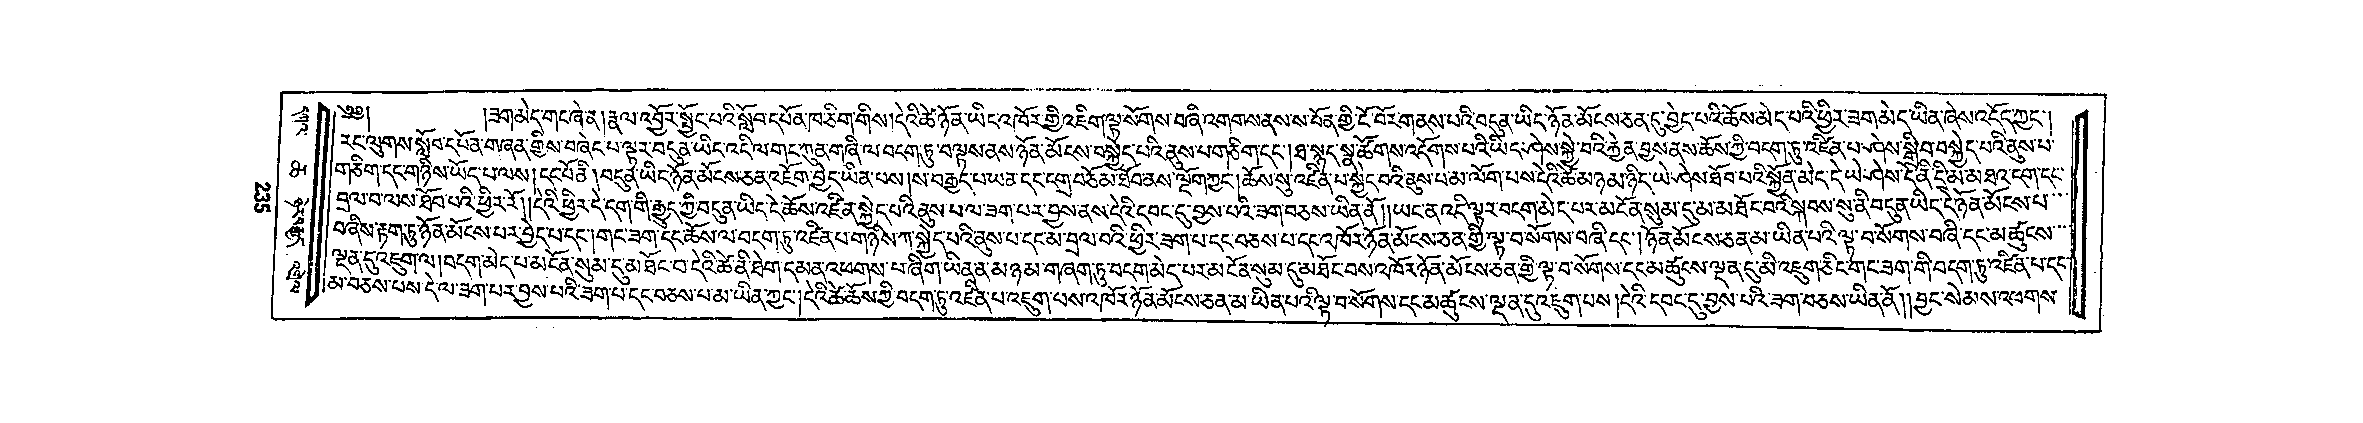༄༅། །ཟག་མེད་གང་ཞེ་ན། རྣལ་འབྱོར་སྤྱོད་པའི་སློབ་དཔོན་ཁ་ཅིག་གིས། དེའི་ཚེ་ཉོན་ཡིད་འཁོར་གྱི་འཇིག་ལྟ་སོགས་བཞི་འགགས་ནས་ས་བོན་གྱི་ངོ་བོར་གནས་པའི་བདུན་ཡིད་ཉོན་མོངས་ཅན་དུ་བྱེད་པའི་ཆོས་མེད་པའི་ཕྱིར་ཟག་མེད་ཡིན་ཞེས་འདོད་ཀྱང་།
རང་ལུགས་སློབ་དཔོན་གཞན་གྱིས་བཞེད་པ་ལྟར་བདུན་ཡིད་འདི་ལ་གང་ཀུན་གཞི་ལ་བདག་ཏུ་བལྟས་ནས་ཉོན་མོངས་བསྐྱེད་པའི་ནུས་པ་གཅིག་དང་། ཐ་སྙད་སྣ་ཚོགས་འདོགས་པའི་ཡིད་ཤེས་སྐྱེ་བའི་རྐྱེན་བྱས་ནས་ཆོས་ཀྱི་བདག་ཏུ་འཛིན་པ་ཤེས་སྒྲིབ་བསྐྱེད་པའི་ནུས་པ་
གཅིག་དང་གཉིས་ཡོད་པ་ལས། དང་པོ་ནི། བདུན་ཡིད་ཉོན་མོངས་ཅན་འཇོག་བྱེད་ཡིན་པས། ས་བརྒྱད་པ་ཡན་དང་དགྲ་བཅོམ་ཐོབ་ནས་ལྡོག་ཀྱང་། ཆོས་སུ་འཛིན་པ་སྐྱེད་པའི་ནུས་པ་མ་ལོག་པས་དེའི་ཚེ་མཉམ་ཉིད་ཡེ་ཤེས་ཐོབ་པའི་སྐྱོན་མེད་དེ་ཡེ་ཤེས་དེ་ནི་དྲི་མ་མཐའ་དག་དང་
བྲལ་བ་ལས་ཐོབ་པའི་ཕྱིར་རོ། །དེའི་ཕྱིར་དེ་དག་གི་རྒྱུད་ཀྱི་བདུན་ཡིད་དེ་ཆོས་འཛིན་སྐྱེད་པའི་ནུས་པ་ལ་ཟག་པར་བྱས་ནས་དེའི་དབང་དུ་བྱས་པའི་ཟག་བཅས་ཡིན་ནོ། །ཡང་ན་འདི་ལྟར་བདག་མེད་པར་མངོན་སུམ་དུ་མ་མཐོང་བའི་སྐབས་སུ་ནི་བདུན་ཡིད་དེ་ཉོན་མོངས་པ་
བཞིས་རྟག་ཏུ་ཉོན་མོངས་པར་བྱེད་པ་དང་། གང་ཟག་དང་ཆོས་ལ་བདག་ཏུ་འཛིན་པ་གཉིས་ཀ་སྐྱེད་པའི་ནུས་པ་དང་མ་བྲལ་བའི་ཕྱིར་ཟག་པ་དང་བཅས་པ་དང་འཁོར་ཉོན་མོངས་ཅན་གྱི་ལྟ་བ་སོགས་བཞི་དང་། ཉོན་མོངས་ཅན་མ་ཡིན་པའི་ལྟ་བ་སོགས་བཞི་དང་མཚུངས་
ལྡན་དུ་འཇུག་ལ། བདག་མེད་པ་མངོན་སུམ་དུ་མཐོང་བ་དེའི་ཚེ་ནི་ཐེག་དམན་འཕགས་པ་ཞིག་ཡིན་ན་མཉམ་གཞག་ཏུ་བདག་མེད་པར་མངོན་སུམ་དུ་མཐོང་བས་འཁོར་ཉོན་མོངས་ཅན་གྱི་ལྟ་བ་སོགས་དང་མཚུངས་ལྡན་དུ་མི་འཇུག་ཅིང་གང་ཟག་གི་བདག་ཏུ་འཛིན་པ་དང་
མ་བཅས་པས་དེ་ལ་ཟག་པར་བྱས་པའི་ཟག་པ་དང་བཅས་པ་མ་ཡིན་ཀྱང་། དེའི་ཚེ་ཆོས་ཀྱི་བདག་ཏུ་འཛིན་པ་འཇུག་པས་འཁོར་ཉོན་མོངས་ཅན་མ་ཡིན་པའི་ལྟ་བ་སོགས་དང་མཚུངས་ལྡན་དུ་འཇུག་པས། དེའི་དབང་དུ་བྱས་པའི་ཟག་བཅས་ཡིན་ནོ། །བྱང་སེམས་འཕགས་